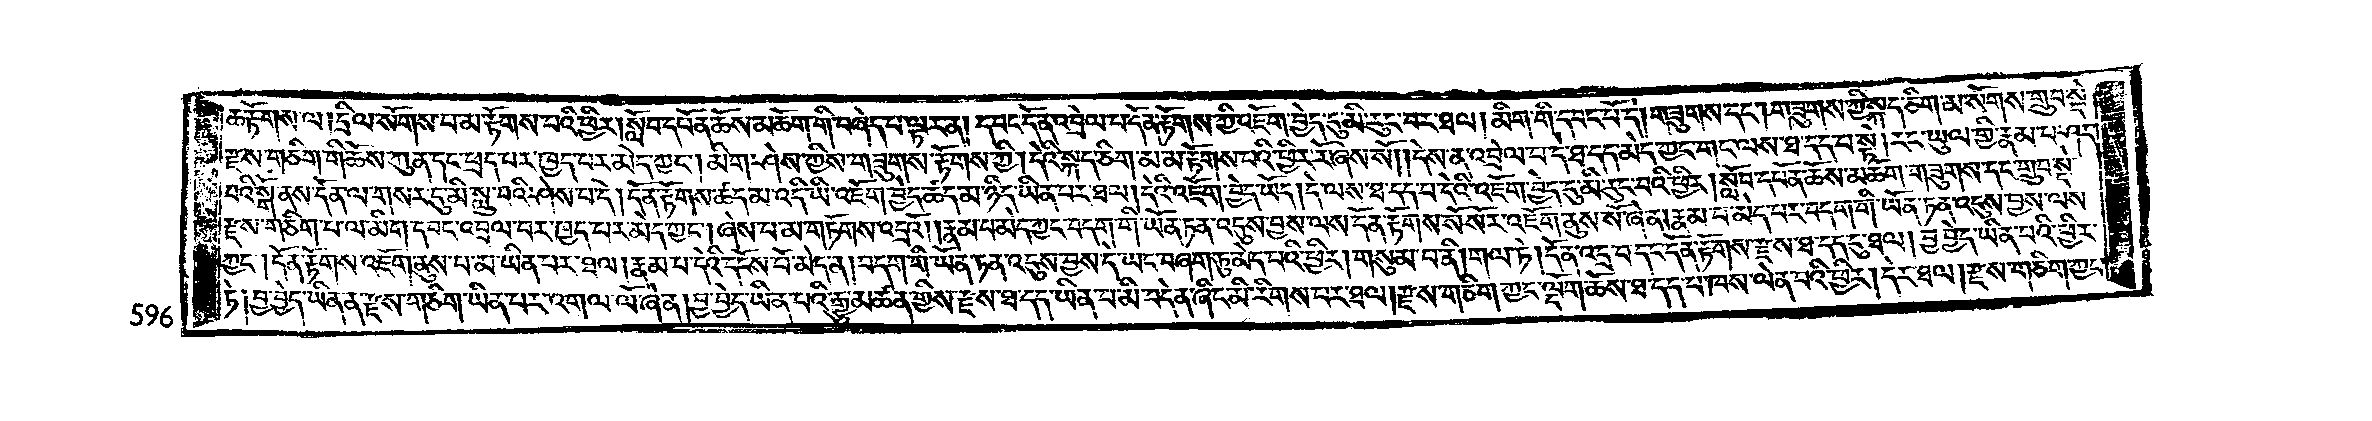ཆ་རྟོགས་ལ། དྲིལ་སོགས་པ་མ་རྟོགས་པའི་ཕྱིར། སློབ་དཔོན་ཆོས་མཆོག་གི་བཞེད་པ་ལྟར་ན། དབང་དོན་འབྲེལ་པ་དོན་རྟོགས་ཀྱི་འཇོག་བྱེད་དུ་མི་རུང་བར་ཐལ། མིག་གི་དབང་པོ་དེ། གཟུགས་དང་། གཟུགས་ཀྱི་སྐད་ཅིག་མ་སོགས་གྲུབ་སྡེ་
རྫས་གཅིག་གི་ཆོས་ཀུན་དང་ཕྲད་པར་ཁྱད་པར་མེད་ཀྱང་། མིག་ཤེས་ཀྱིས་གཟུགས་རྟོགས་ཀྱི། དེའི་སྐད་ཅིག་མ་མ་རྟོགས་པའི་ཕྱིར་རོ་ཞེས་སོ། །དེས་ན་འབྲེལ་པ་དེ་ཐ་དད་མེད་ཀྱང་གང་ལས་ཐ་དད་པ་སྟེ། རང་ཡུལ་གྱི་རྣམ་པ་ཤར་
པའི་སྒོ་ནས་དོན་ལ་གསར་དུ་མི་སླུ་བའི་ཤེས་པ་དེ། དོན་རྟོགས་ཚད་མ་འདི་ཡི་འཇོག་བྱེད་ཚད་མ་ཉིད་ཡིན་པར་ཐལ། དེའི་འཇོག་བྱེད་ཡོད། དེ་ལས་ཐ་དད་པ་དེའི་འཇོག་བྱེད་དུ་མི་རུང་བའི་ཕྱིར། སློབ་དཔོན་ཆོས་མཆོག་གཟུགས་དང་གྲུབ་སྡེ་
རྫས་གཅིག་པ་ལ་མིག་དབང་འབྲལ་བར་ཁྱད་པར་མེད་ཀྱང་། ཞེས་པ་མ་གཏོགས་འདྲའོ། །རྣམ་པ་མེད་ཀྱང་བདག་གི་ཡོན་ཏན་འདུས་བྱས་ལས་དོན་རྟོགས་སོ་སོར་འཇོག་ནུས་སོ་ཞེ་ན། རྣམ་པ་མེད་པར་བདག་གི་ཡོན་ཏན་འདུས་བྱས་ལས་
ཀྱང་། དོན་རྟོགས་འཇོག་ནུས་པ་མ་ཡིན་པར་ཐལ། རྣམ་པ་དེའི་དངོས་པོ་མེད་ན། བདག་གི་ཡོན་ཏན་འདུས་བྱས་དེ་ཡང་བཞག་ཏུ་མེད་པའི་ཕྱིར། གསུམ་པ་ནི། གལ་ཏེ། དོན་འདྲ་བ་དང་དོན་རྟོགས་རྫས་ཐ་དད་དུ་ཐལ། བྱ་བྱེད་ཡིན་པའི་ཕྱིར་
ཏེ༑ བྱ་བྱེད་ཡིན་ན་རྫས་གཅིག་ཡིན་པར་འགལ་ལོ་ཞེ་ན། བྱ་བྱེད་ཡིན་པའི་རྒྱུ་མཚན་གྱིས་རྫས་ཐ་དད་ཡིན་པ་མི་བདེན་ཞིང་མི་རིགས་པར་ཐལ། རྫས་གཅིག་ཀྱང་ལྡོག་ཆོས་ཐ་དད་པ་ཁས་ལེན་པའི་ཕྱིར། དེར་ཐལ། རྫས་གཅིག་ཀྱང་